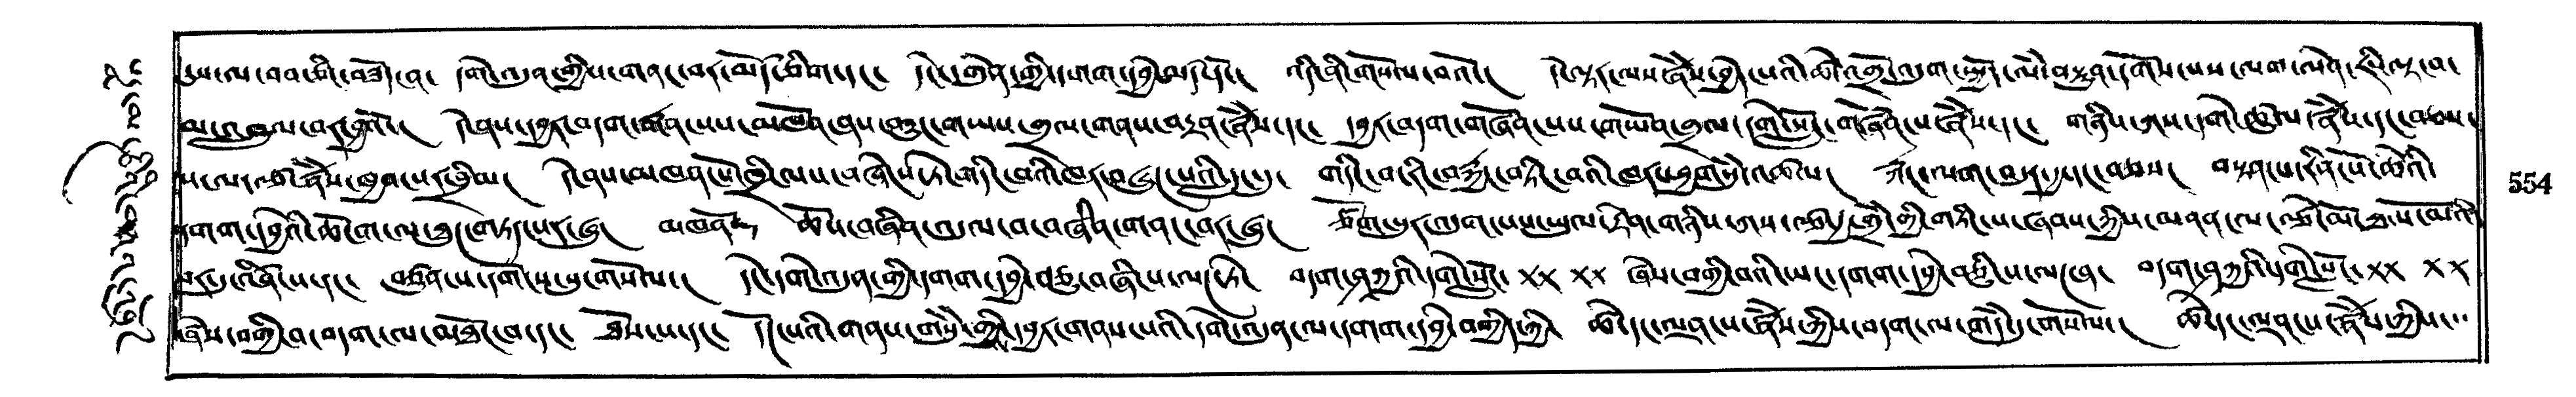དུས་ལ་བབ་ཅིང་བཟོད་ན། དགེ་འདུན་གྱིས་གནང་བ་མཛོད་ཅིག་དང་། དེང་དགེ་འདུན་གྱི་དགག་དབྱེ་མཛད་དོ།། འདི་ནི་གསོལ་བའོ།། དེ་ལྟར་ལས་རྣམས་བྱེད་པའི་ཚེ་འགྲོ་འདུག་སྤྱོད་ལམ་བསྟུན་དགོས་པས་ལག་ལེན་ཇི་ལྟ་བ་
མ་འཁྲུལ་བར་བྱའོ།། དེ་ནས་དབྱར་བདག་རྒན་པས་མཁན་པོ་ནས་བཟུང་གཡས་གྲལ་གནས་བརྟན་རྣམས་དང་། དབྱར་བདག་གཞོན་པས་གཡོན་གྲལ་དགེ་སློང་གཞོན་པ་རྣམས་དང་། གཉིས་ཀས་དགེ་ཚུལ་རྣམས་དང་བཅས་
པ་ལ་རྩྭ་རྣམས་ཁྱབ་པར་བྲིམ། དེ་ནས་མཁན་པོ་ཁྲི་ལས་བཞེངས་ཏེ་གདིང་བའི་ཁར་བཞུགས་པའི་དྲུང་དུ། གདིང་བ་རིང་བརྐྱང་བཏིང་བའི་ཁར་ཕྱག་གསུམ་འཚལ། རྐང་ལག་འདུད་རྒྱ་དང་བཅས། བསྟན་པ་རིན་པོ་ཆེའི་
དགག་དབྱེའི་ཆོ་ག་ལ་ཐུགས་གཏད་པར་ཞུ། མཁན་པོས། ཆོས་བཞིན་འདུལ་བ་བཞིན་གནང་བར་ཞུ། ཙོག་པུར་འདུག་པས་ཡུལ་རྟེན་གཉིས་ཀས་རྩ་རྒྱ་གྲམ་གྱི་བཏིང་པ་ཞབས་ཀྱིས་མནན་ལ་རྩེ་མོ་ཐལ་མོའི་
བར་དུ་འཛིན་པ་དང་། བཙུན་པ་དགོངས་སུ་གསོལ། དེང་དགེ་འདུན་གྱི་དགག་དབྱེ་བཅུ་བཞི་པ་ལགས་ཏེ། བདག་ཤཱཀྱའི་དགེ་སློང་ xx xx ཞེས་བགྱི་བའི་ཡང་དགག་དབྱེ་བཅུ་བཞི་པ་ལགས་ན། བདག་ཤཱཀྱའི་དགེ་སློང་ xx xx 
ཞེས་བགྱི་བ་བདག་ལ་མཐོང་བ་དང་། ཐོས་པ་དང་། དོགས་པའི་གནས་གསུམ་གྱིས་དབྱར་གནས་པའི་དགེ་འདུན་ལ་དགག་དབྱེ་བགྱིད་ཀྱི། ཚེ་དང་ལྡན་པ་རྣམས་ཀྱིས་བདག་ལ་གདམ་དུ་གསོལ། ཚེ་དང་ལྡན་པ་རྣམས་ཀྱིས་